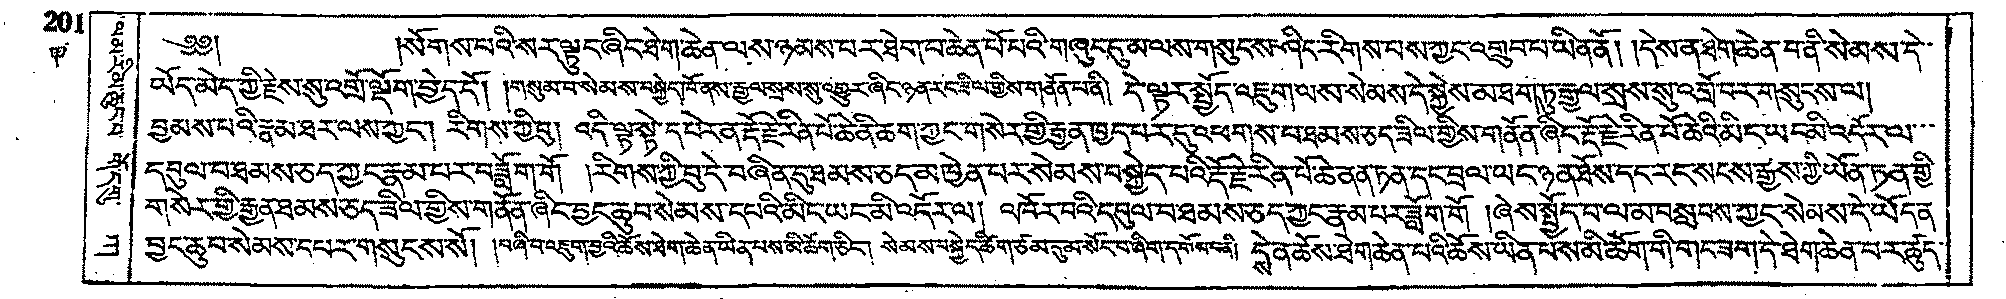༄༅། །སོགས་པའི་སར་ལྟུང་ཞིང་ཐེག་ཆེན་ལས་ཉམས་པར་ཐེག་པ་ཆེན་པོ་པའི་གཞུང་དུ་མ་ལས་གསུངས་ཤིང་རིགས་པས་ཀྱང་འགྲུབ་པ་ཡིན་ནོ། །དེས་ན་ཐེག་ཆེན་པ་ནི་སེམས་དེ་
ཡོད་མེད་ཀྱི་རྗེས་སུ་འགྲོ་ལྡོག་བྱེད་དོ། །གསུམ་པ་སེམས་བསྐྱེད་ཁོ་ནས་རྒྱལ་སྲས་སུ་འགྱུར་ཞིང་ཉན་རང་ཟིལ་གྱིས་གནོན་པ་ནི།  དེ་ལྟར་སྤྱོད་འཇུག་ལས་སེམས་དེ་སྐྱེས་མ་ཐག་ཏུ་རྒྱལ་སྲས་སུ་འགྲོ་བར་གསུངས་ལ།
བྱམས་པའི་རྣམ་ཐར་ལས་ཀྱང་། རིགས་ཀྱི་བུ། འདི་ལྟ་སྟེ་དཔེར་ན་རྡོ་རྗེ་རིན་པོ་ཆེ་ནི་ཆག་ཀྱང་གསེར་གྱི་རྒྱན་ཁྱད་པར་དུ་འཕགས་པ་ཐམས་ཅད་ཟིལ་གྱིས་གནོན་ཞིང་རྡོ་རྗེ་རིན་པོ་ཆེའི་མིང་ཡང་མི་འདོར་ལ་
དབུལ་བ་ཐམས་ཅད་ཀྱང་རྣམ་པར་བཟློག་གོ། །རིགས་ཀྱི་བུ་དེ་བཞིན་དུ་ཐམས་ཅད་མཁྱེན་པར་སེམས་བསྐྱེད་པའི་རྡོ་རྗེ་རིན་པོ་ཆེ་ནན་ཏན་དང་བྲལ་ཡང་ཉན་ཐོས་དང་རང་སངས་རྒྱས་ཀྱི་ཡོན་ཏན་གྱི་
གསེར་གྱི་རྒྱན་ཐམས་ཅད་ཟིལ་གྱིས་གནོན་ཞིང་བྱང་ཆུབ་སེམས་དཔའི་མིང་ཡང་མི་འདོར་ལ། འཁོར་བའི་དབུལ་བ་ཐམས་ཅད་ཀྱང་རྣམ་པར་ཟློག་གོ། །ཞེས་སྤྱོད་པ་ལ་མ་བསླབས་ཀྱང་སེམས་དེ་ཡོད་ན་
བྱང་ཆུབ་སེམས་དཔར་གསུངས་སོ། །བཞི་པ་འཇུག་བྱའི་ཆོས་ཐེག་ཆེན་ཡིན་པས་མི་ཆོག་ཅིང་། སེམས་བསྐྱེད་ཚིག་ཙམ་དུ་མ་སོང་བ་ཞིག་དགོས་པ་ནི།  དེས་ན་ཆོས་ཐེག་ཆེན་པའི་ཆོས་ཡིན་པས་མི་ཆོག་གི་གང་ཟག་དེ་ཐེག་ཆེན་པར་ཚུད་